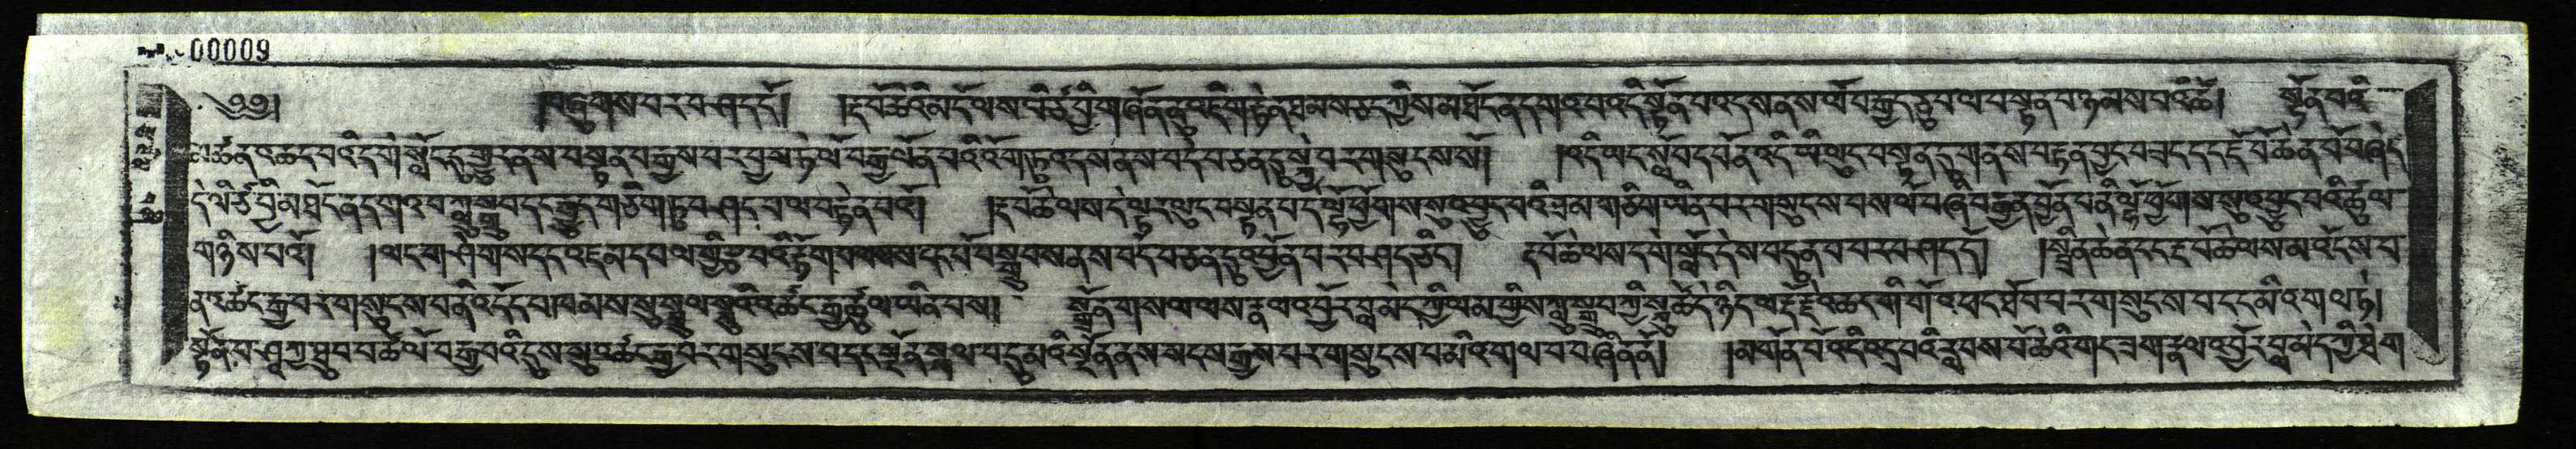༄༅། །བཞུགས་པར་བཤད་དོ། །རྔ་བོ་ཆེའི་མདོ་ལས་ལི་ཙ་བྱི་གཞོན་ནུ་འཇིག་རྟེན་ཐམས་ཅད་ཀྱིས་མཐོང་ན་དགའ་བ་འདི་སྟོན་པ་འདས་ནས་ལོ་བརྒྱད་ཅུ་པ་ལ་བསྟན་པ་ཉམས་པའི་ཚེ། སྟོན་པའི་
མཚན་འཆང་བའི་དགེ་སློང་དུ་གྱུར་ནས་བསྟན་པ་རྒྱས་པར་བྱས་ཏེ་ལོ་བརྒྱ་ལོན་པའི་འོག་ཏུ་འདས་ནས་བདེ་བ་ཅན་དུ་སྐྱེ་བར་གསུངས་སོ། །འདི་ཡང་སློབ་དཔོན་འདི་ཡི་ལུང་བསྟན་དུ་གནས་བརྟན་བྱང་བཟང་དང་ཇོ་བོ་ཆེན་པོ་བཞེད་
དེ་ལི་ཙ་བྱི་མཐོང་ན་དགའ་བ་ཀླུ་སྒྲུབ་དང་རྒྱུད་གཅིག་ཏུ་བཤད་པ་ལ་བརྟེན་པའོ། །རྔ་བོ་ཆེ་ལས་དེ་ལྟར་ལུང་བསྟན་པ་དེ་ལྷོ་ཕྱོགས་སུ་འབྱུང་བའི་ཐ་མ་གཅིག་ཡིན་པར་གསུངས་པས་ལོ་བཞི་བརྒྱ་བྱོན་པ་ནི་ལྷོ་ཕྱོགས་སུ་འབྱུང་བའི་ཚུལ་
གཉིས་པའོ། །ཡང་གཤེགས་དང་འཇམ་དཔལ་གྱི་རྩ་བའི་རྟོག་པ་ལས་ས་དང་པོ་བསྒྲུབས་ནས་བདེ་བ་ཅན་དུ་འབྱོན་པར་བཤད་ཅིང་། རྔ་བོ་ཆེ་ལས་དགེ་སློང་དེས་བདུན་པ་བར་བཤད་དོ། །སྤྲིན་ཆེན་དང་རྔ་བོ་ཆེ་ལས་མ་འོངས་པ་
ན་འཚང་རྒྱ་བར་གསུངས་པ་ནི་འདོད་པ་ཁམས་སུ་སྤྲུལ་སྐུའི་འཚང་རྒྱ་ཚུལ་ཡིན་པས། སྒྲོན་གསལ་ལས་རྣལ་འབྱོར་བླ་མེད་ཀྱི་ལམ་གྱིས་ཀླུ་སྒྲུབ་ཀྱི་སྐུ་ཚེ་དེ་ཉིད་ལ་རྡོ་རྗེ་འཆང་གི་གོ་འཕང་ཐོབ་པར་གསུངས་པ་དང་མི་འགལ་ཏེ།
སྟོན་པ་ཤཱཀྱ་ཐུབ་པ་ཚེ་ལོ་བརྒྱ་བའི་དུས་སུ་འཚང་རྒྱ་བར་གསུངས་པ་དང་སྔོན་སྐལ་བ་དུ་མའི་སྔོན་ནས་སངས་རྒྱས་པར་གསུངས་པ་མི་འགལ་བ་བཞིན་ནོ། །མགོན་པོ་འདི་འདྲ་བའི་རླབས་པོ་ཆེའི་གང་ཟག་རྣལ་འབྱོར་བླ་མེད་ཀྱི་ཐེག་